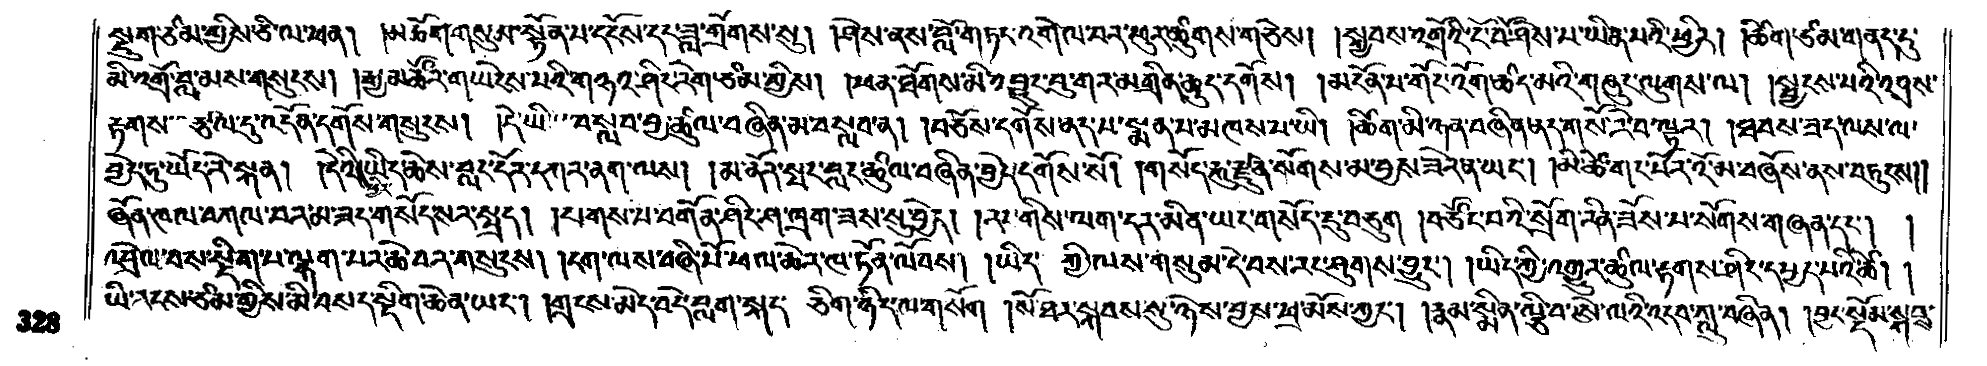སྡུག་ཙམ་གྱིས་ཅི་ལ་ཕན། །མཆོག་གསུམ་སྟོན་པ་དངོས་དང་ཟླ་གྲོགས་སུ། །ཤེས་ནས་བློ་གཏང་འགེལ་བར་ཕུར་ཚུགས་གཅེས། །སྐྱབས་འགྲོའི་ངོ་བོ་ཤེས་པ་ཡིན་པའི་ཕྱིར། །ཚིག་ཙམ་གནད་དུ་
མི་འགྲོ་བླ་མས་གསུངས། །རྒྱ་མཚོར་གཡེངས་པའི་གཉའ་ཤིང་རེག་ཙམ་གྱིས། །ཕན་ཐོགས་མི་འབྱུང་བུ་གར་མགྲིན་ཆུད་དགོས། །མངོན་པ་གོང་འོག་ཚད་མའི་གཞུང་ལུགས་ལ། །སྦྱངས་པའི་འབྲས་
རྟགས་རྩལ་དུ་འདོན་དགོས་གསུངས། །དེ་ཡིས?་བསླབ་བྱ་ཚུལ་བཞིན་མ་བསླབ་ན། །བཅོས་དགོས་ནད་པ་སྨན་པ་མཁས་པ་ཡི། །ཚིག་མི་ཉན་བཞིན་ནད་གསོ་རེ་བ་ལྟར། །ཐབས་ཟད་ལས་ལ་
བྱེད་དུ་ཡོད་རེ་སྐན། །དེའི་ཕྱིར་ཡིད་ཆེས་བླང་དོར་དཀར་ནག་ལས། །མ་ནོར་སྤང་བླང་ཚུལ་བཞིན་བྱེད་དགོས་སོ། །གསོད་རྐུ་རྫུན་སོགས་མ་བྱས་ཟེར་ན་ཡང་། །མི་ཚེ་གང་པོར་འོ་མ་བཞོས་ནས་བཏུངས།།
ཞོན་ཁལ་བཀལ་བར་མ་ཟད་གསོད་སར་སྤྲད། །པགས་པ་བགོན་ཤིང་ཤ་ཁྲག་ཟས་སུ་བྱེད། །རང་གིས་ལག་དར་མིན་ཡང་གསོད་དུ་བཅུག །བཙོང་བའི་སྲོག་རིན་ཟོས་པ་སོགས་གཞན་དང་། །
འབྲེལ་བས་སྡིག་པ་ལྷག་པར་ཆེ་བར་གསུངས། །ངག་ལས་བཞི་པོ་ཕལ་ཆེར་ཁ་ཏོན་ལོབས། །ཡིད་ཀྱི་ལས་གསུམ་དེ་བས་རང་ཤུགས་བྱུང་། །ཡིད་ཀྱི་འགྱུར་ཚུལ་རྟགས་ཤིང་དཔྱད་པའི་ཚེ། །
ཡི་རངས་ཙམ་གྱིས་མི་བསད་སྡིག་ཆེན་ཡང་། །གྲངས་མེད་བདེ་བླག་སྐད་ཅིག་ཉིད་ལ་གསོག །སོ་ཐར་སྐབས་སུ་ཉེས་བྱས་ཕྲ་མོས་ཀྱང་། །རྣམ་སྨིན་ལྕི་བ་ཨེ་ལའི་འདབ་ཀླུ་བཞིན། །བྱང་སྡོམ་སྐབས་